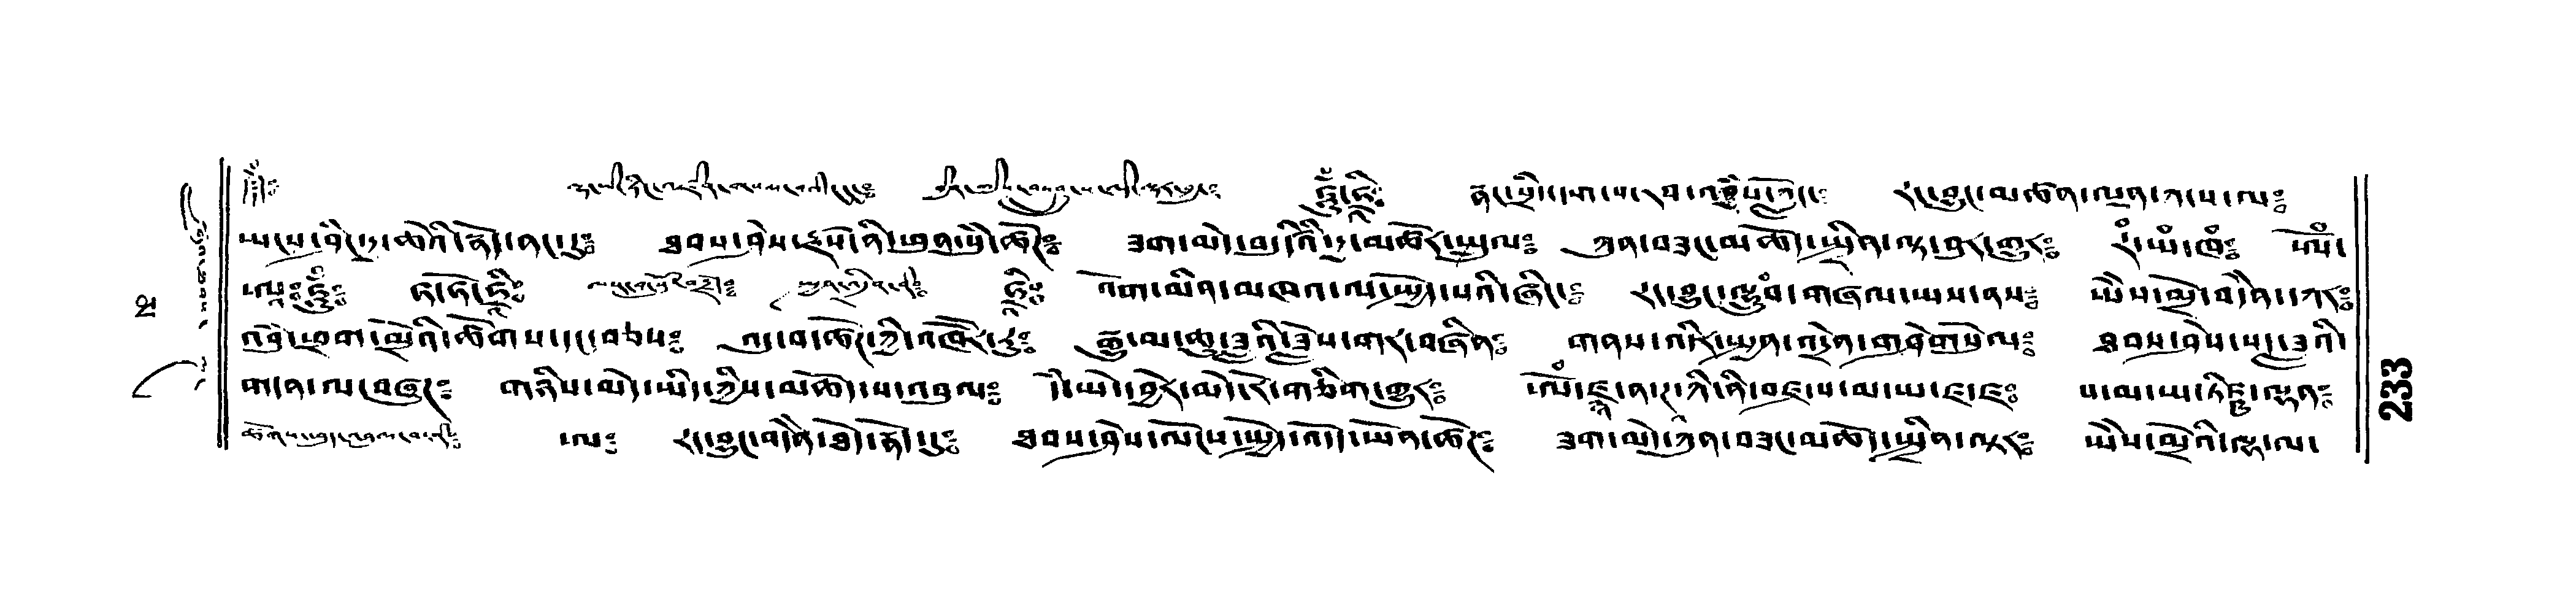ལྷ་ཡི་ཏིང་འཛིན་གསལ་བའི་ངང༔ བྱིན་གྱིས་བརླབ་པ་འདི་ལྟར་བྱ༔ ཧཱུྃ་ཧྲཱིཿ སྣང་སྲིད་དག་པ་རབ་འབྱམས་ཀློང༔ རང་བྱུང་མཚན་ལྡན་ཀ་པ་ལ༔ 
ཡངས་ཤིང་རྒྱ་ཆེའི་སྣོད་ནང་དུ༔ ཐབས་ཤེས་རྫས་ནི་ཕུན་སུམ་ཚོགས༔ ཟག་མེད་བདུད་རྩིའི་རྒྱ་མཚོར་སྤྲུལ༔ ཀུན་བཟང་མཆོད་སྤྲིན་ལྟ་བུར་གྱུར༔ རྃ་ཡྃ་ཁྃཿ ཨོཾ་
ཨཱཿཧཱུྃ༔ ཧ་ཧོ་ཧྲཱིཿ ལན་གསུམ་བརྗོད༔ སྤྱན་འདྲེན་ནི༔ ཧྲཱིཿ འོག་མིན་མཁའ་ལ་སྤྱོད་པའི་ཞིང༔ རང་བྱུང་ལྷུན་གྲུབ་གཞལ་ཡས་ནས༔ ཡེ་ཤེས་མཁའ་འགྲོ་བདེ་ཆེན་དཀར༔ 
འབུམ་ཕྲག་མཁའ་འགྲོའི་ཚོགས་དང་བཅས༔ འདུ་བ་ཚོགས་ཀྱི་འཁོར་ལོ་རུ༔སྒྱུ་མ་ཆུ་ཟླའི་ཟློས་གར་བཞིན༔ གནས་འདིར་སྤྱན་འདྲེན་གཤེགས་སུ་གསོལ༔ ཐབས་ཤེས་པད་ཟླའི་
གདན་ལ་བཞུགས༔ གཉིས་མེད་ཡིད་ཀྱི་མཆོད་པ་འབུལ༔ དམ་ཡེ་དབྱེར་མེད་རོ་གཅིག་གྱུར༔ ཨོཾ་ཛྙཱ་ན་ཌཱ་ཀི་ནི་བཛྲ་ས་མ་ཡ་ཛ་ཛཿ ས་མ་ཡ་ཏིཥྛ་ལྷན༔ 
ཚོགས་ཕུད་འབུལ་བ་ནི༔ ཨཱཿ རང་བྱུང་བདེ་ཆེན་ཐོད་སྣོད་དུ༔ ཐབས་ཤེས་ལོངས་སྤྱོད་འདོད་ཡོན་ཚོགས༔ ཟག་མེད་ཀུན་བཟང་མཆོད་སྤྲིན་ལྟར༔ ཡེ་ཤེས་མཁའ་འགྲོའི་ལྷ་ལ་